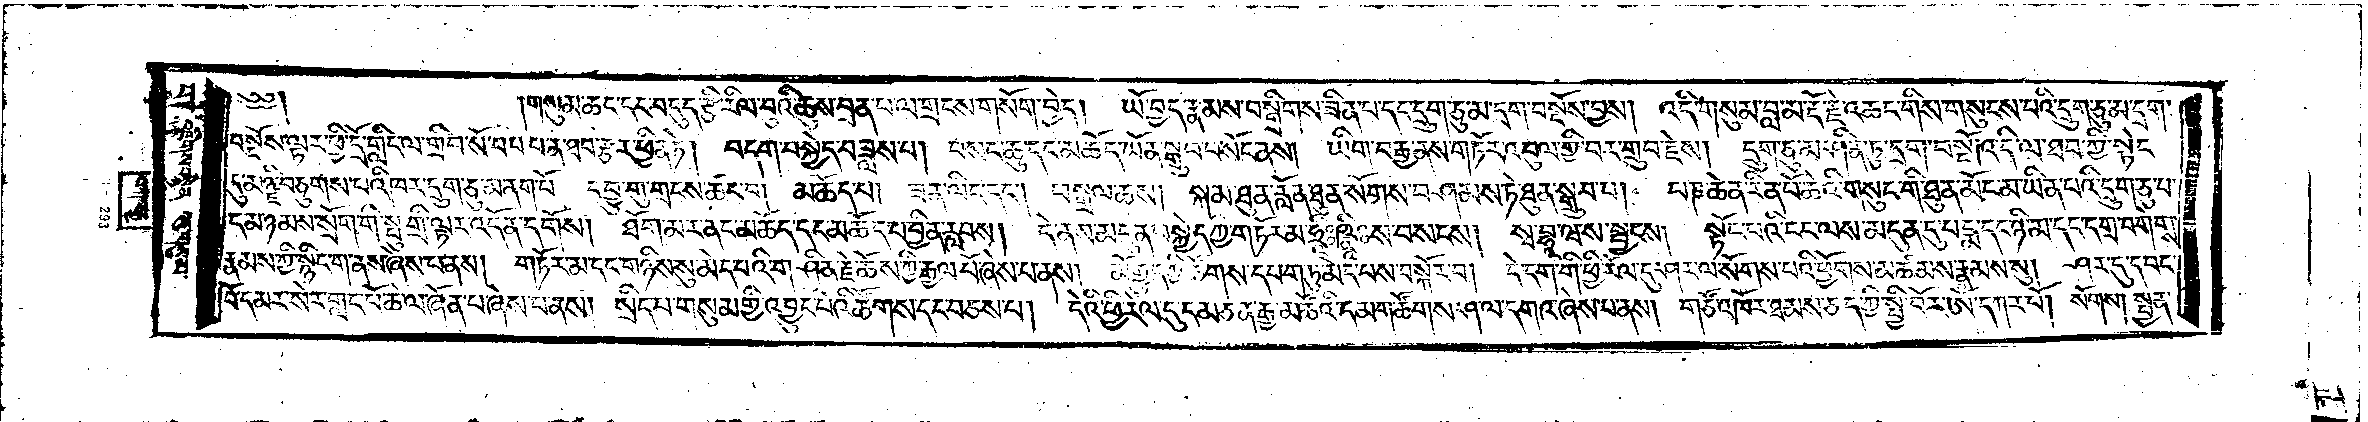༄༅། །གསུམ་ཆང་དང་བདུད་རྩི་རིལ་བུའི་ཆུས་བྲན་པ་ལ་གྲངས་གསོག་བྱེད། ཡོ་བྱད་རྣམས་བསྒྲིགས་ཟིན་པ་དང་དྲུག་ཅུ་མ་དྲག་བསྔོས་བྱས། འདི་གསུམ་བླ་མ་རྡོ་རྗེ་འཆང་གིས་གསུངས་པའི་དྲུག་ཅུ་མ་དྲག་
བསྔོས་ལྟར་ཕྱི་དྲོ་གླིང་ལ་གྲིབ་སོ་བབ་པ་ན་ཐབ་རྩར་ཕྱིན་ཏེ། བདག་བསྐྱེད་བཟླས་པ། བསང་ཆུ་དང་མཆོད་ཡོན་སྒྲུབ་པ་སོང་ནས། ཡིག་བརྒྱ་ནས་གཏོར་འབུལ་གྱི་བར་གྲུབ་རྗེས། དྲུག་ཅུ་མ་ཤིན་ཏུ་དྲག་བསྔོ༑ འདི་ལ་ཐབ་ཀྱི་སྟེང་
དུ་མཉྫི་བཅུགས་པའི་ཁར་དྲུག་ཅུ་མ་ནག་པོ་དབྱུ་གུ་གྲངས་ཚང་བ། མཆོད་པ། ཟན་ལིང་དང་། བསྒྲལ་ཆས། སྒམ་ཐུན་རློན་ཐུན་སོགས་བཤམས་ཏེ་ཐུན་སྒྲུབ་པ། པཎ་ཆེན་རིན་པོ་ཆེའི་གསུང་གི་ཐུན་མོང་མ་ཡིན་པའི་དྲུག་ཅུ་པ་
དམ་ཉམས་སྲོག་གི་སྤུ་གྲི་ལྟར་འདོན་དགོས། ཐོག་མར་ནང་མཆོད་དང་མཆོད་པ་བྱིན་རླབས། དེ་ནས་མདུན་བསྐྱེད་ཀྱི་གཏོར་མ་ཧྲཱིཿཥྲཱིཿས་བསངས། སྭ་བྷཱ་ཝས་སྦྱངས། སྟོང་པའི་ངང་ལས་མདུན་དུ་པདམ་དང་ཉི་མ་དང་དགྲ་བགེགས་
རྣམས་ཀྱི་སྙིང་ག་ནས་ཞེས་པ་ནས། གཏོར་མ་དང་གཉིས་སུ་མེད་པའི་གཤིན་རྗེ་ཆོས་ཀྱི་རྒྱལ་པོ་ཞེས་པ་ནས། མོ་རྒྱུད་ཀྱི་ཚོགས་དཔག་ཏུ་མེད་པས་བསྐོར་བ། དེ་དག་གི་ཕྱི་རོལ་དུ་ཤར་ལ་སོགས་པའི་ཕྱོགས་མཚམས་རྣམས་སུ། ཤར་དུ་དབང་
བོ་དམར་སེར་གླང་པོ་ཆེ་ལ་ཞོན་པ་ཞེས་པ་ནས། སྲིད་པ་གསུམ་གྱི་འབྱུང་པོའི་ཚོགས་དང་བཅས་པ། དེའི་ཕྱི་རོལ་དུ་དམ་ཅན་རྒྱ་མཚོའི་དམག་ཚོགས་ཤ་ལ་དགའ་ཞེས་པ་ནས། གཙོ་འཁོར་ཐམས་ཅད་ཀྱི་སྤྱི་བོར་ཨོཾ་དཀར་པོ། སོགས།  སྤྱན་